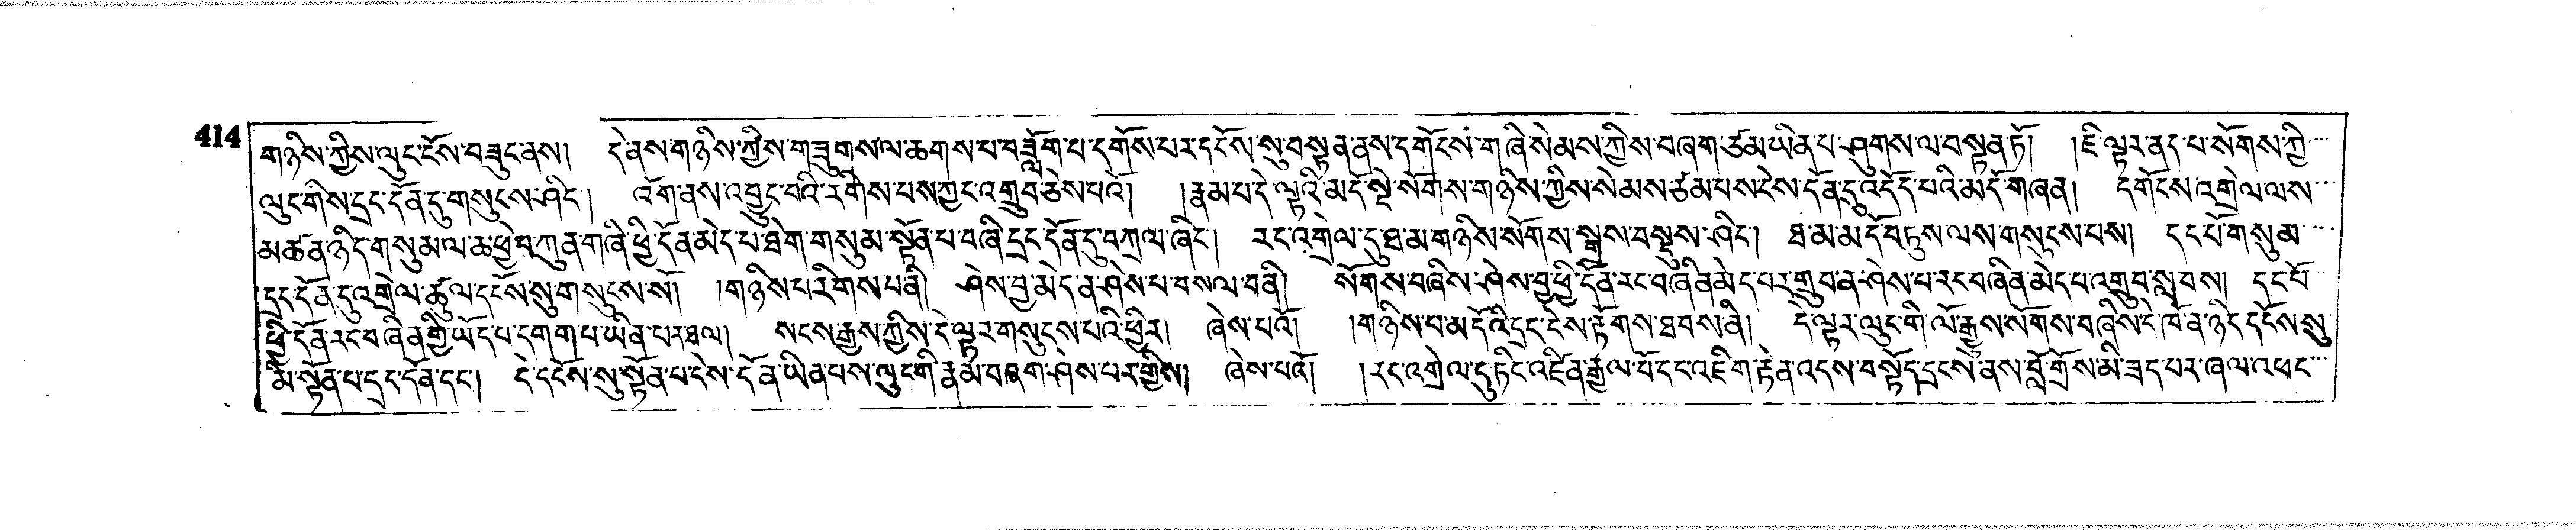གཉིས་ཀྱིས་ལུང་ངོས་བཟུང་ནས། དེ་ནས་གཉིས་ཀྱིས་གཟུགས་ལ་ཆགས་པ་བཟློག་པ་དགོས་པར་དངོས་སུ་བསྟན་ནས་དགོངས་གཞི་སེམས་ཀྱིས་བཞག་ཙམ་ཡིན་པ་ཤུགས་ལ་བསྟན་ཏོ། །ཇི་ལྟར་ནད་པ་སོགས་ཀྱི་
ལུང་གིས་དྲང་དོན་དུ་གསུངས་ཤིང་། འོག་ནས་འབྱུང་བའི་རིགས་པས་ཀྱང་འགྲུབ་ཅེས་པའོ། །རྣམ་པ་དེ་ལྟའི་མདོ་སྡེ་སོགས་གཉིས་ཀྱིས་སེམས་ཙམ་པས་ངེས་དོན་དུ་འདོད་པའི་མདོ་གཞན། དགོངས་འགྲེལ་ལས་
མཚན་ཉིད་གསུམ་ལ་ཆ་ཕྱེ་བ་ཀུན་གཞི་ཕྱི་དོན་མེད་པ་ཐེག་གསུམ་སྟོན་པ་བཞི་དྲང་དོན་དུ་བཀྲལ་ཞིང་། རང་འགྲེལ་དུ་ཐ་མ་གཉིས་སོགས་སྒྲས་བསྡུས་ཤིང་། ཐ་མ་མདོ་བཏུས་ལས་གསུངས་པས། དང་པོ་གསུམ་
དྲང་དོན་དུ་འགྲེལ་ཚུལ་དངོས་སུ་གསུངས་སོ། །གཉིས་པ་རིགས་པ་ནི། ཤེས་བྱ་མེད་ན་ཤེས་པ་བསལ་བ་ནི། སོགས་བཞིས་ཤེས་བྱ་ཕྱི་དོན་རང་བཞིན་མེད་པར་གྲུབ་ན་ཤེས་པ་རང་བཞིན་མེད་པ་འགྲུབ་སླབས། དང་པོ་
ཕྱི་དོན་རང་བཞིན་གྱི་ཡོད་པ་དགག་པ་ཡིན་པར་ཐལ། སངས་རྒྱས་ཀྱིས་དེ་ལྟར་གསུངས་པའི་ཕྱིར། ཞེས་པའོ། །གཉིས་པ་མདོའི་དྲང་ངེས་རྟོགས་ཐབས་ནི། དེ་ལྟར་ལུང་གི་ལོ་རྒྱུས་སོགས་བཞིས་ངེ་ཁོ་ན་ཉིད་དངོས་སུ་
མི་སྟོན་པ་དྲང་དོན་དང་། དེ་དངོས་སུ་སྟོན་པ་ངེས་དོན་ཡིན་པས་ལུང་གི་རྣམ་བཞག་ཤེས་པར་གྱིས། ཞེས་པའོ། །རང་འགྲེལ་དུ་ཏིང་འཛིན་རྒྱལ་པོ་དང་འཇིག་རྟེན་འདས་བསྟོད་དྲངས་ནས་བློ་གྲོས་མི་ཟད་པར་ཞལ་འཕང་